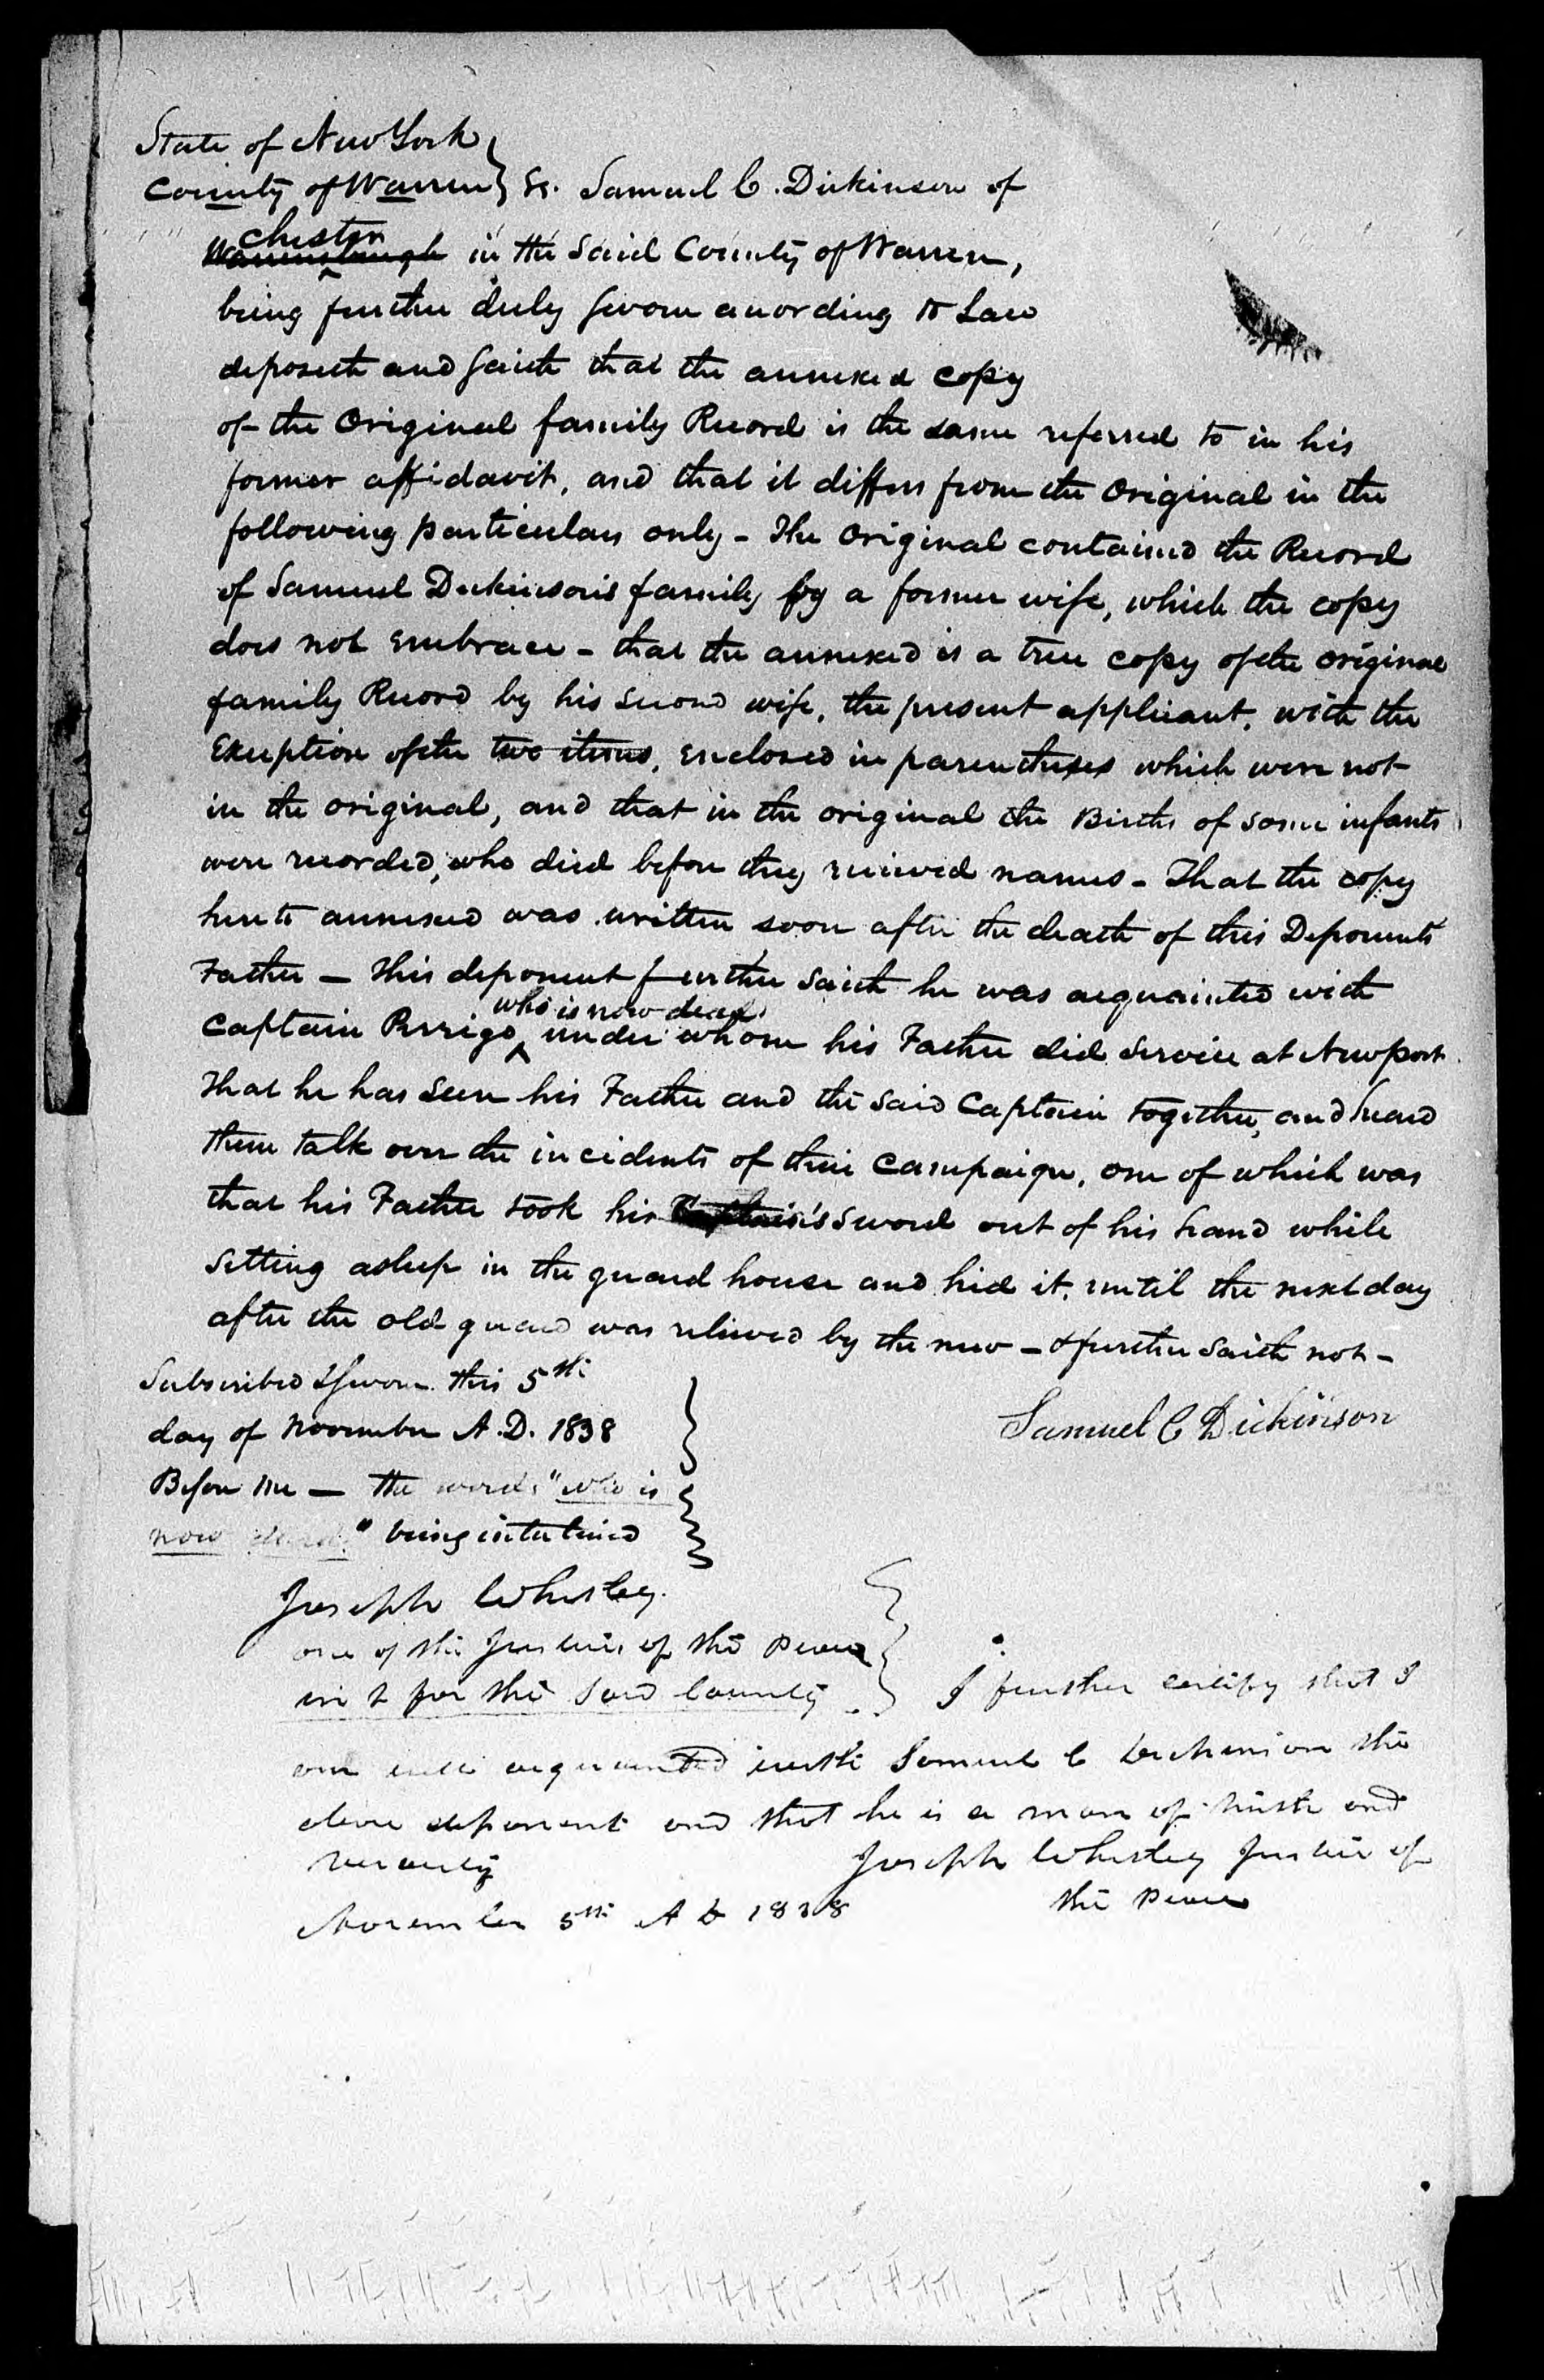State of New York
County of Warren

Samuel L. Dickinson of Ch[] in the said County of Warren, being further duly sworn according to Law deposeth and saith that the ann[] copy of the original family Record is the [] [] to in his former affidavit and that it differs from the Original in the following particulars only - his Original contained the Record of Samuel Dickison's family by a former wife, which the copy does not embrace - that the ann[] is a true copy of the original family Record by his second wife, the present applicant, with the exception of the two items, enclosed in par[] which were not in the original, and that in the original the Births of some infants were recorded, who died before they received names - That the copy here to ann[] was written soon after the death of this Dep[] Father - His dep[] [] in the saith he was acquainted with Captain R[]igs who is [] de[], under whom his Father did service at Newport that he has seen his Father and this said Captain Together and know them talk over the incident of this campaign, one of which was that his Father took his Captain's sword out of his hand while setting [] in the general houses and hid it until the next day after the old guard was relieved by the new = and [] saith n[] -
Samuel C Dickinson

Subscribed and sworn this 5th day of November A.D. 1838 Before me - the [] 
'who is now []" being intu[]
Jus[] Whitely
[] of [] Justice, of [] [] in I from this said County

I further certify that i am well acquainted with Samule C Dickinson this above applicant and that he is a man of truth and veracity
J[] Whitely Justice of this []
November 5th A.D. 1838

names: Samuel C Dickinson, Samuel C Dickinson, Samuel C Dickinson, Samuel Dickinson, Joseph Whitley, Perrigo, Joseph Whitley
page: 18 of 60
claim: widow's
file: W 16,955, Samuel Dickinson, Conn.